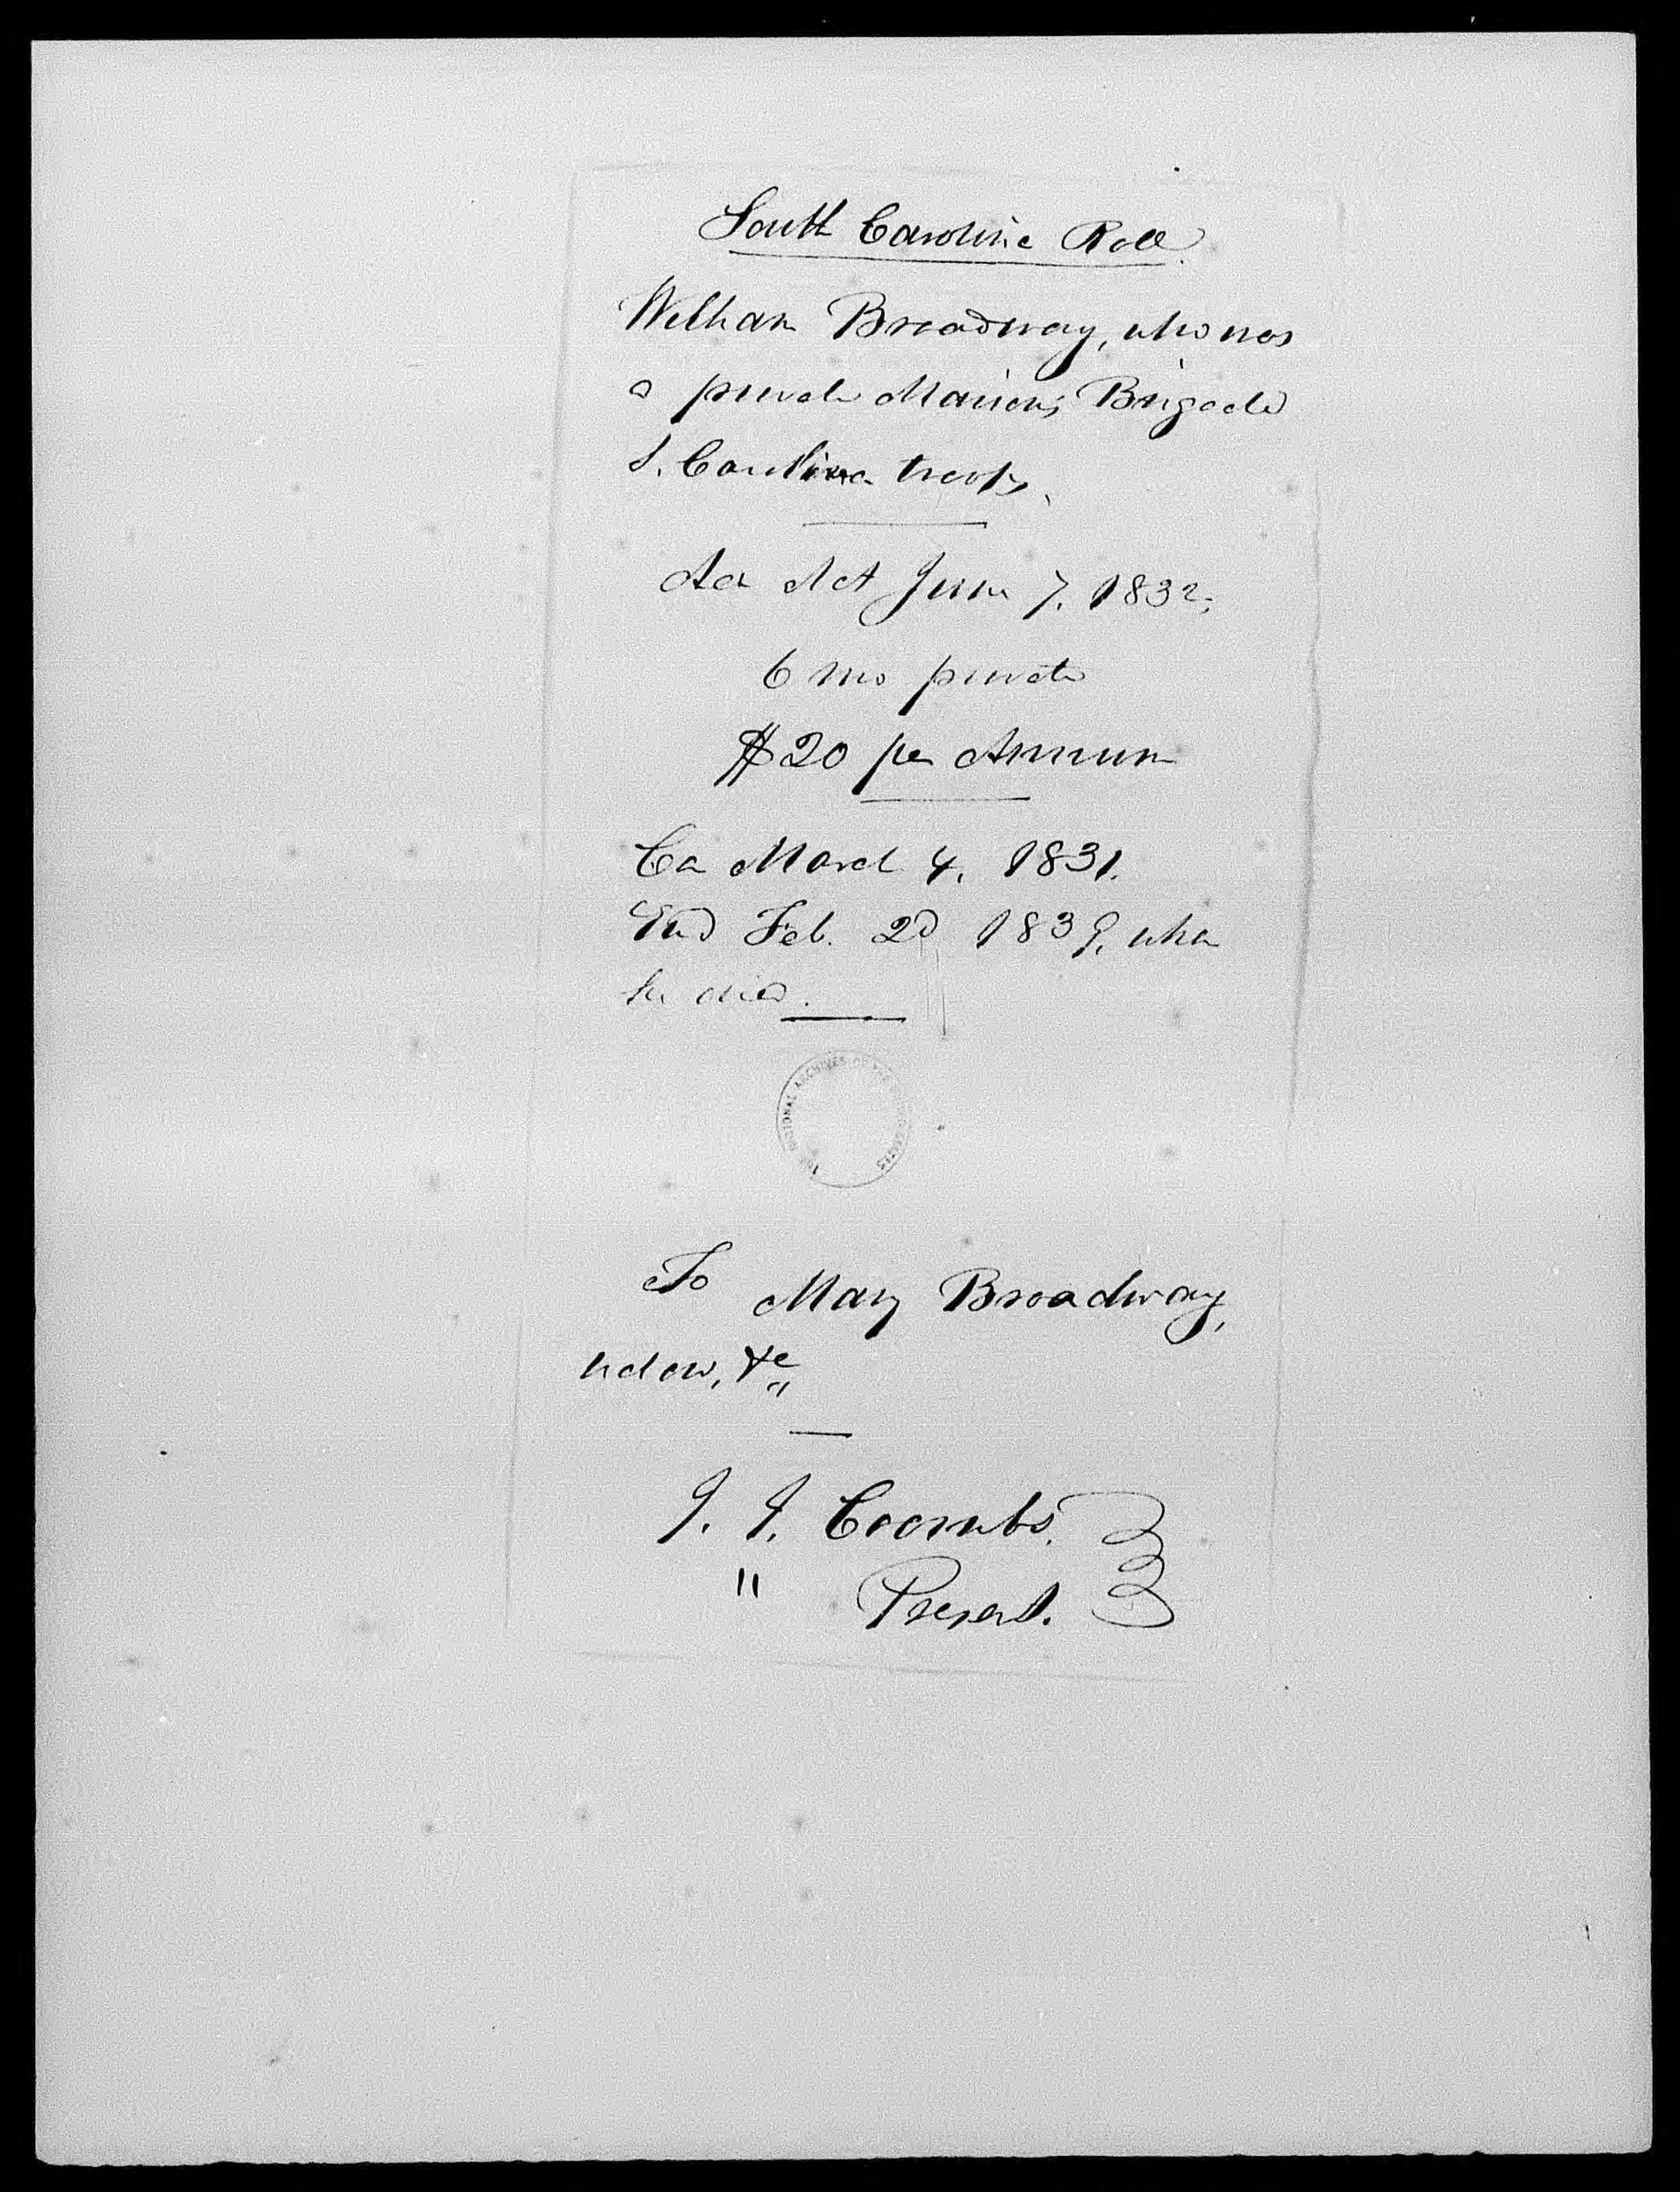South Carolina Roll
William Broadway, who was
a private  Marions Brigade
Carolina troops
 Act June 7, 1832;
6 mo private
$20 per Annum
Co  March 4, 1831.
end Feb. 2d 1839, when
he died

[stamp]
NATIONAL ARCHIVES OF THE UNITED STATES

To Mary Broadway
WIdow, &c
________
J. J. Coombs ⎬
    "    Present.⎬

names: William Broadway, J J Coombs, Mary Broadway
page: 79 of 98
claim: widow's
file: W. 8398, William Broadway, S.C.